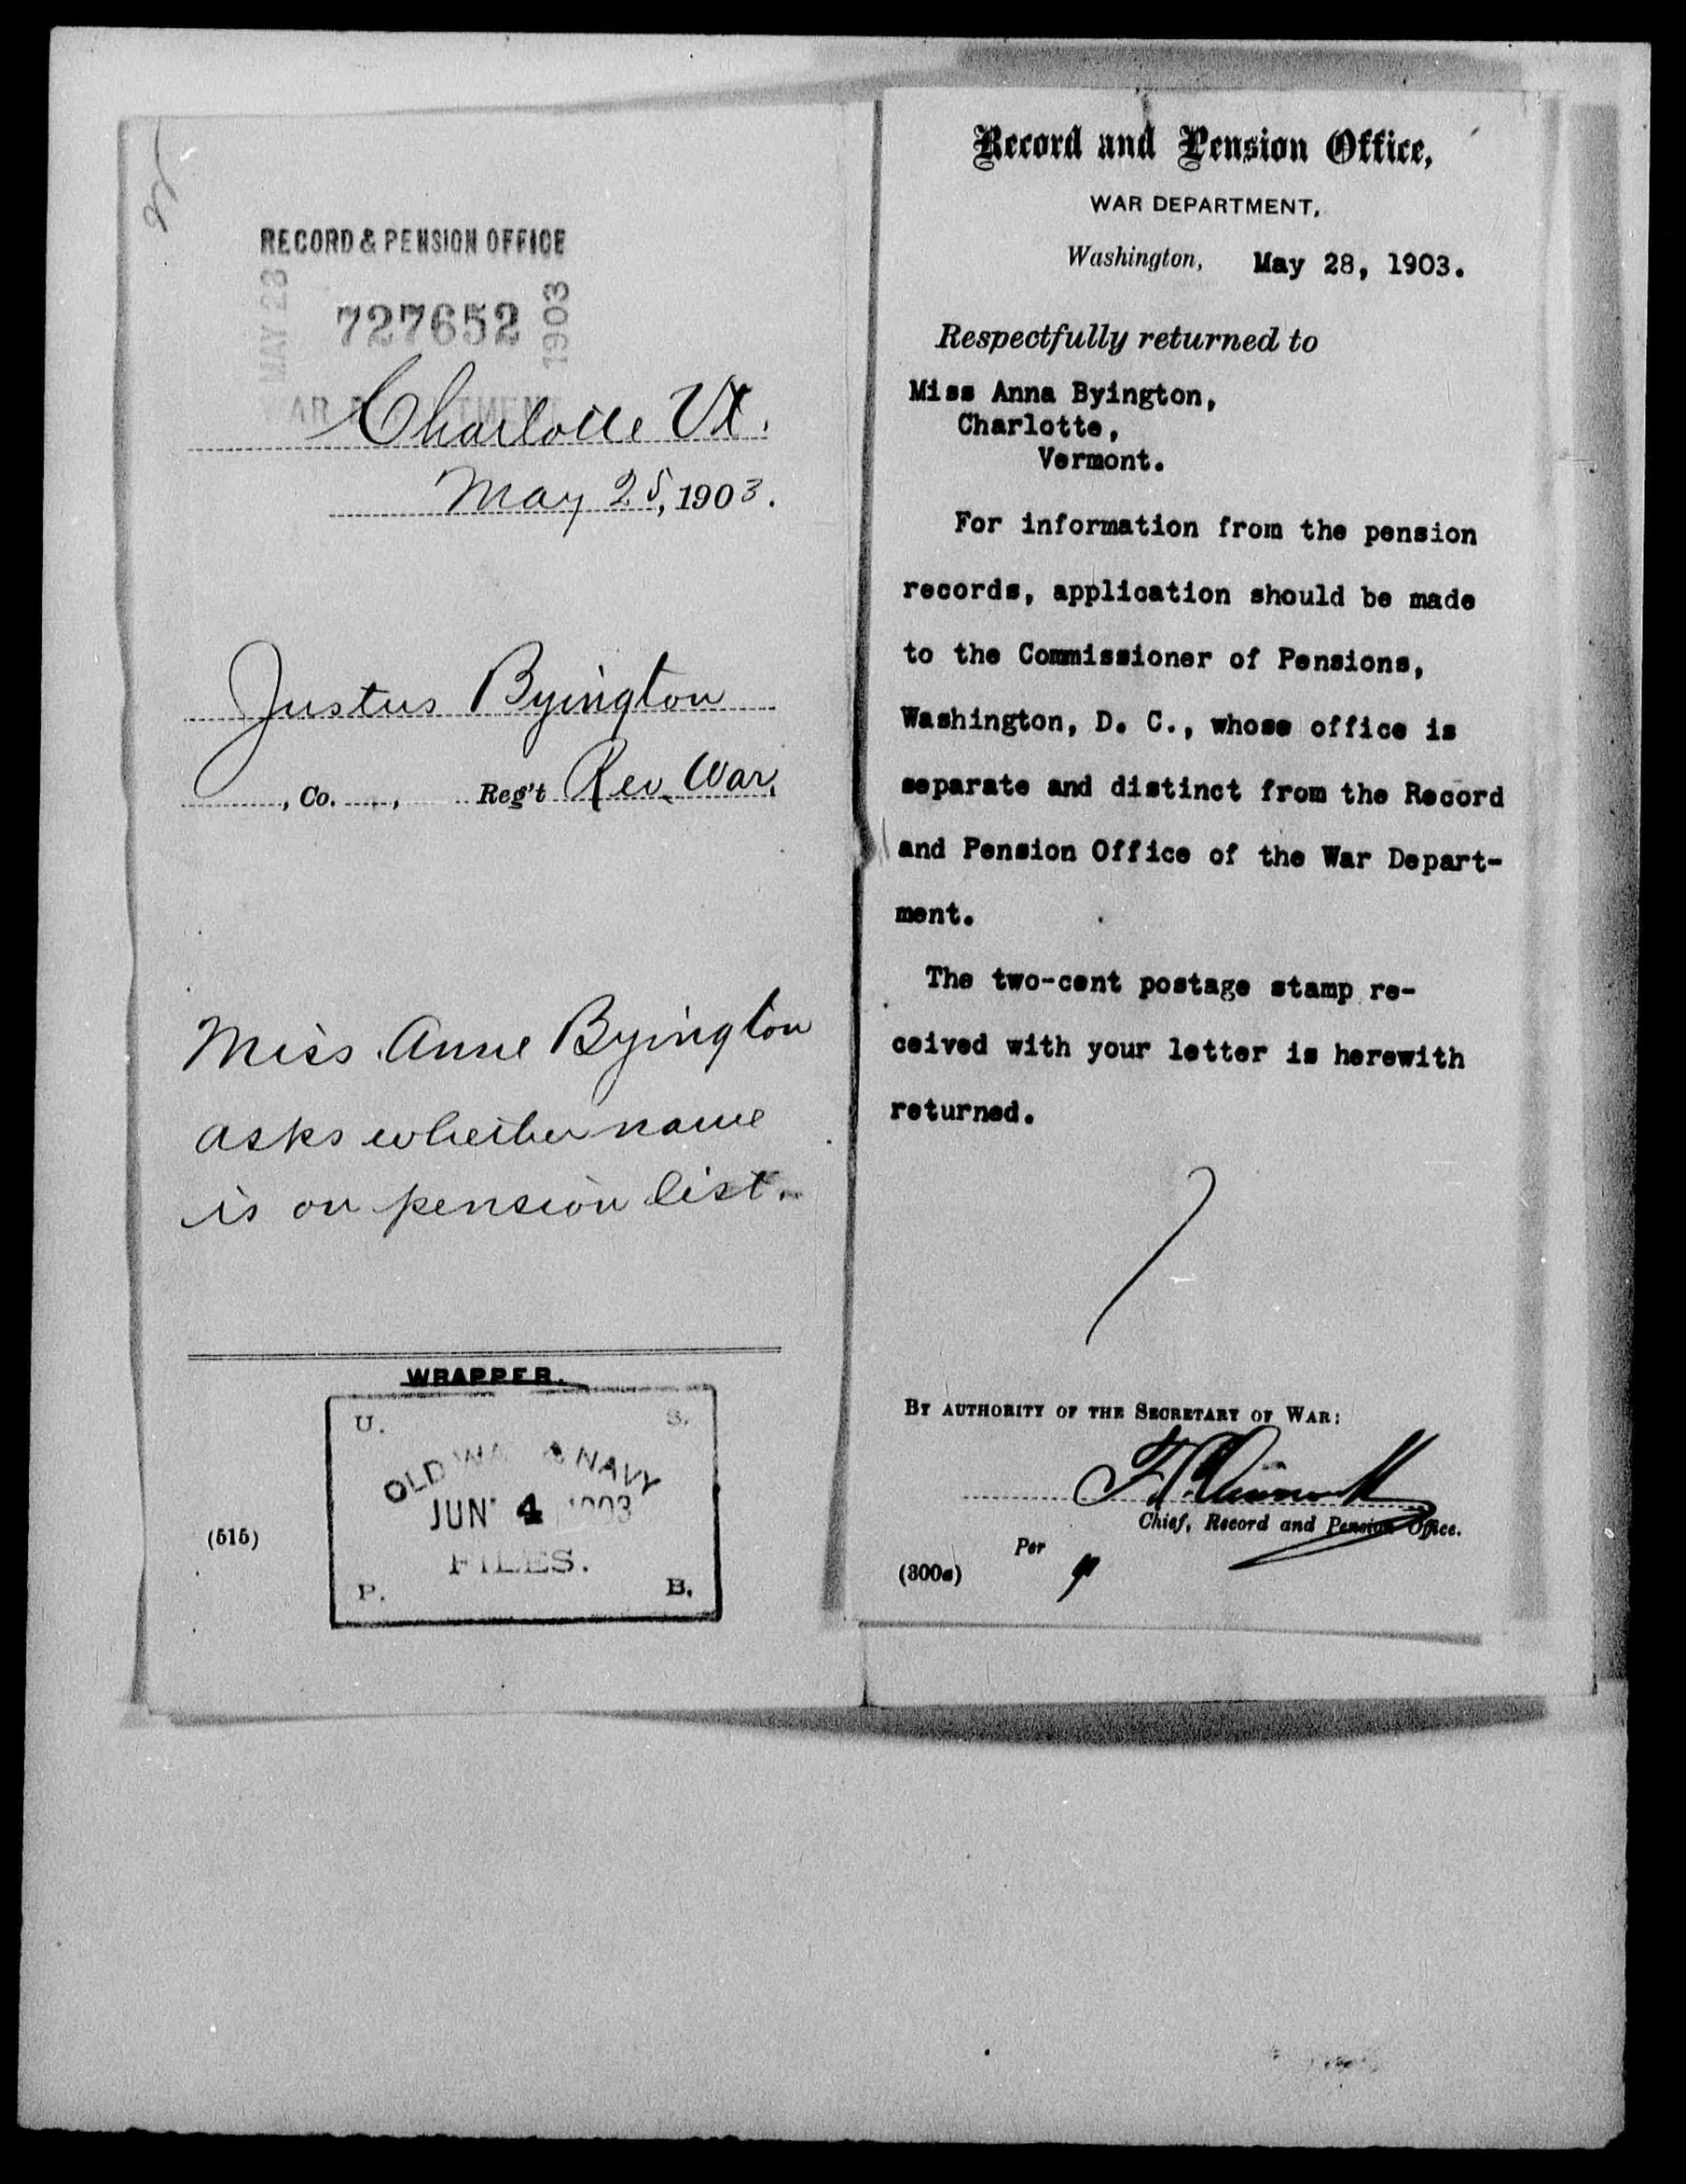[stamped]
RECORD & PENSION OFFICE
MAY 28 1903
WAR DEPARTMENT

Charlott Vt.
May 25, 1903.

Justus Byington
.....,Co...... Reg't Rev War

Miss Anne Byington asks whether name is on pension list.

Wrapped
[stamped]
U.S.P.B.
OLD WAR & NAVY
JUNE 4 1903
FILES

Record and Pension Office,
WAR DEPARTMENT,
Washington, May 28, 1903.

Respectfully returned to 
Miss Anna Byington,
Charlotte, Vermont.
For information from the pension records, application should be made to the Commissioner of Pensions, Washington, D.C., whose office is separate and distinct from the Record and Pension Office of the War Department.
The two-cent postage stamp received with your letter is herewith returned.
BY AUTHORITY OF THE SECRETARY OF WAR;
F. C. Ainsworth
Chief, Record and Pension Office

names: Anne Byington, F C Ainsworth, Anna Byington, Justus Byington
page: 65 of 79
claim: widow's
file: W. 23754, Justus Byington, Conn.